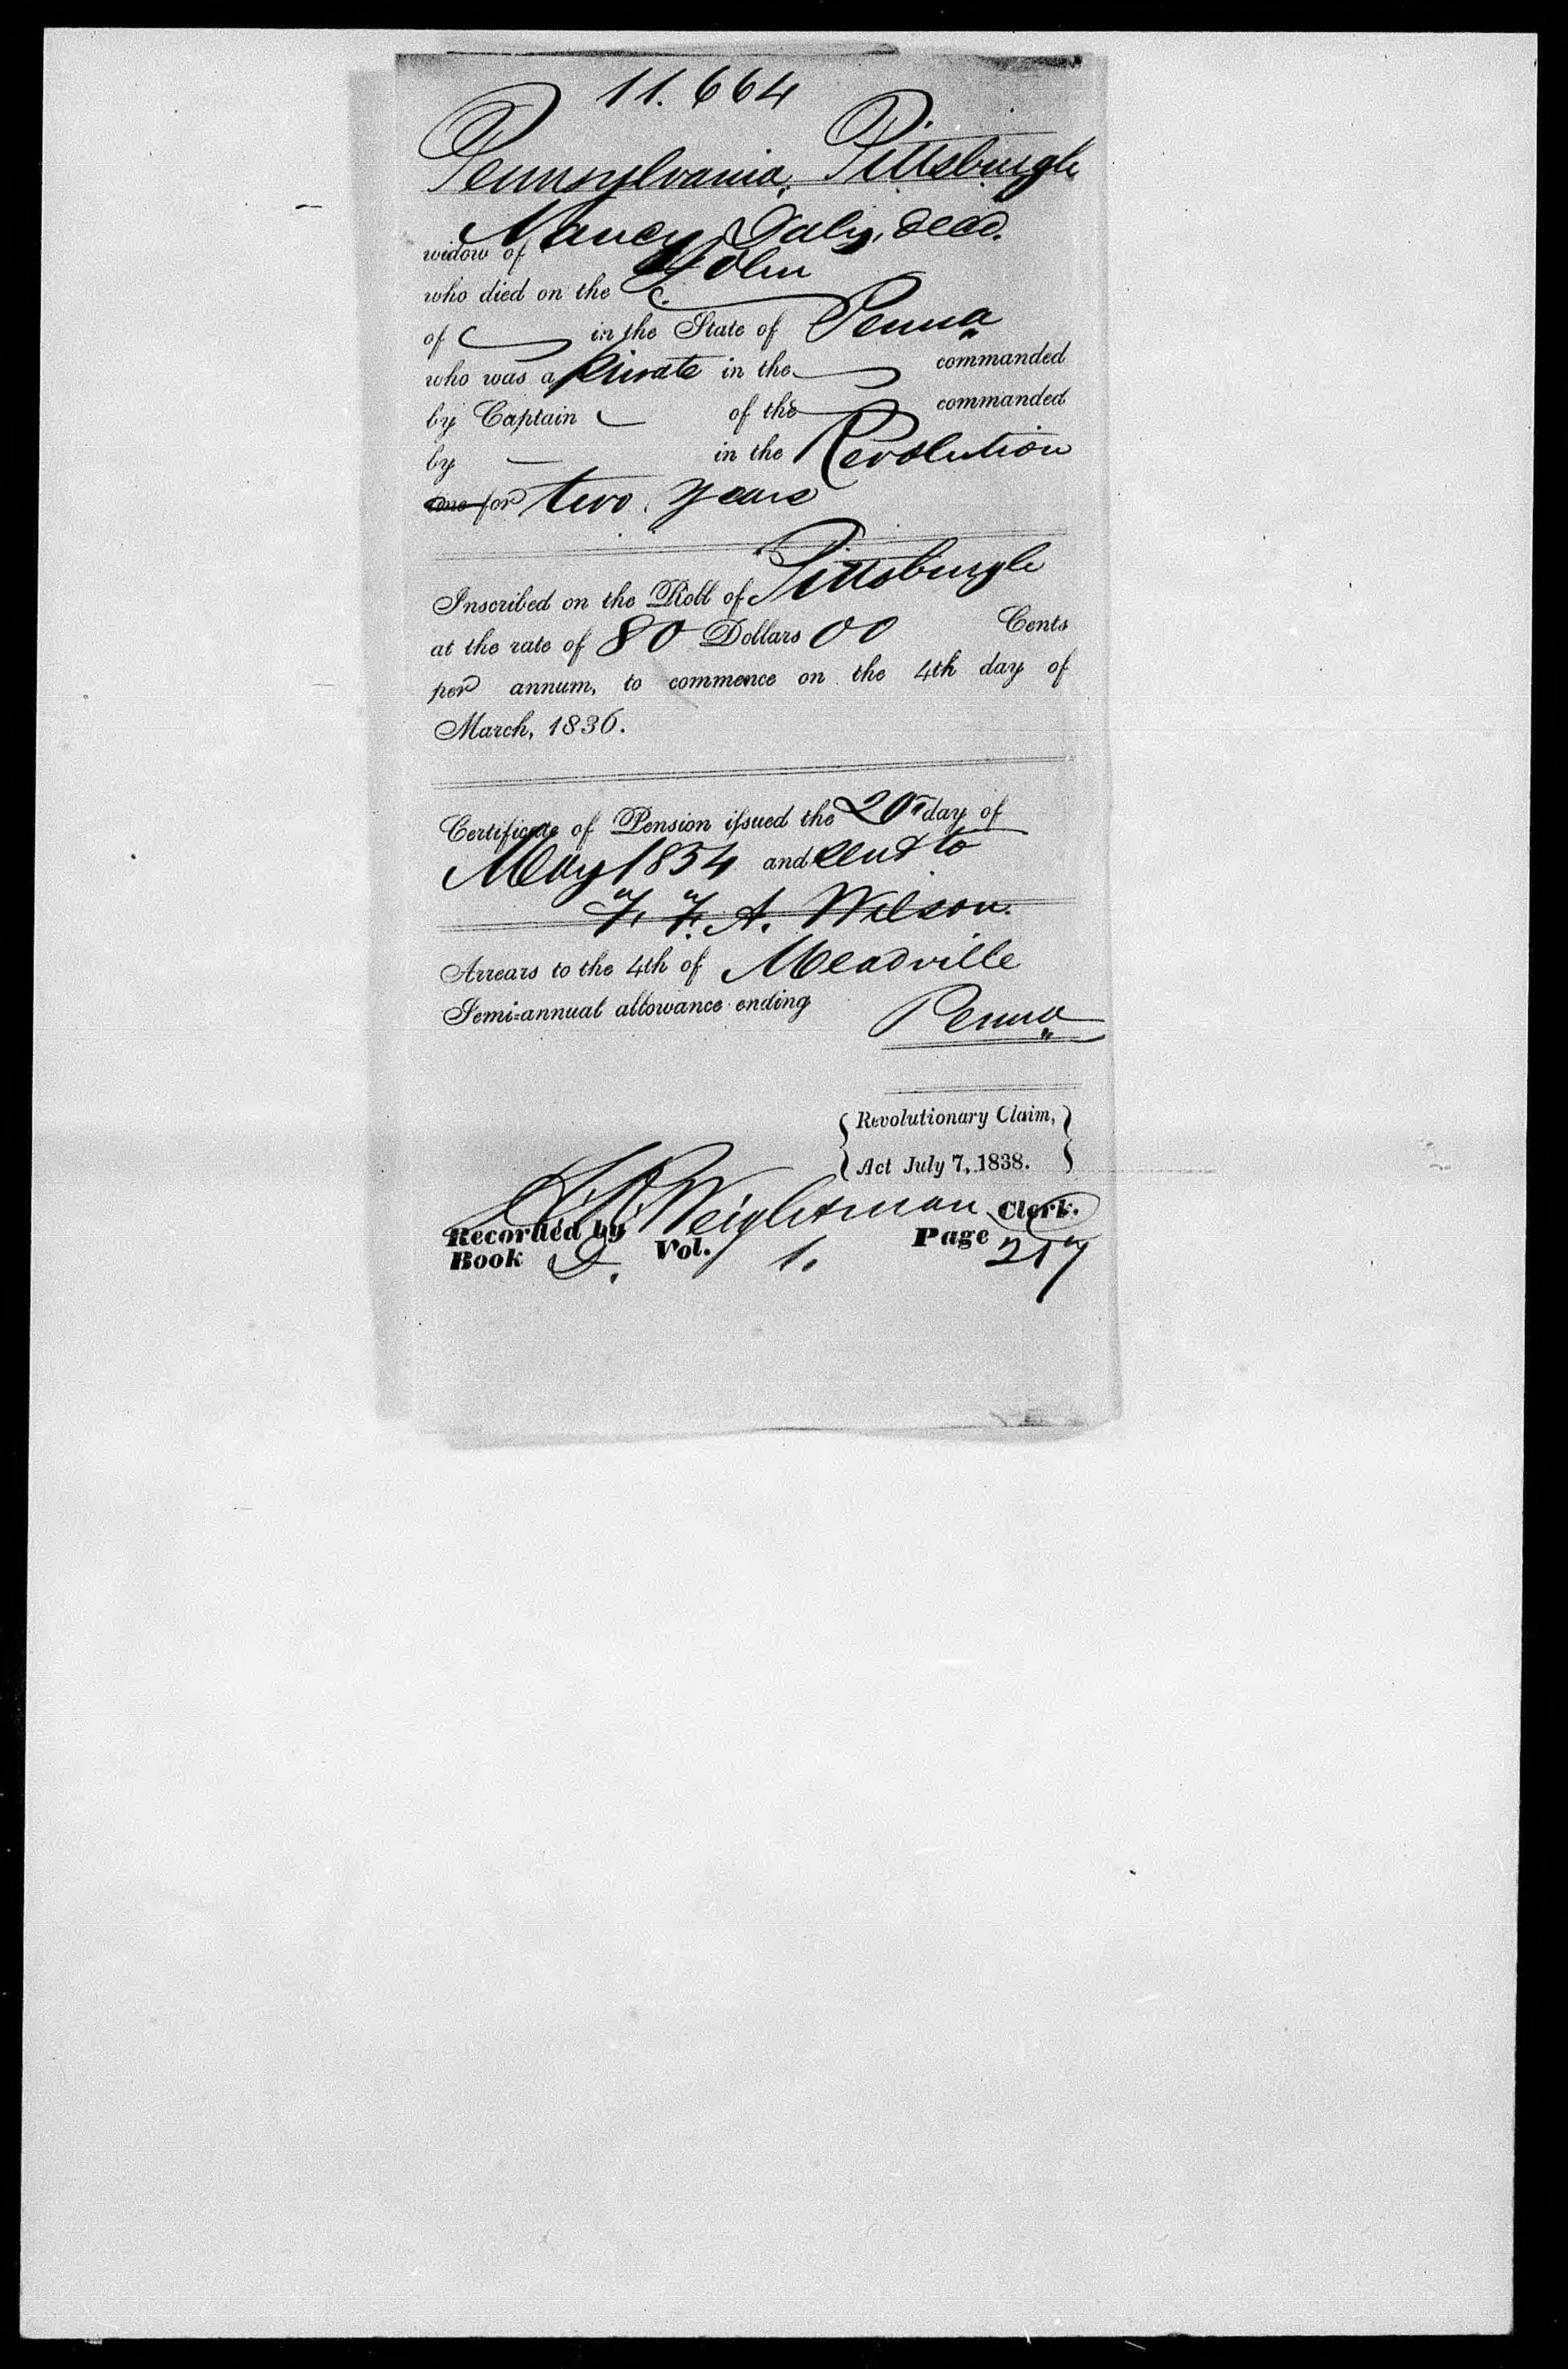11.664
Pennsylvania, Pittsburgh
widow Nancy Duly deed
John
who died on the 
of ------ in the State of Penna
who was a private in the----commanded
by Captain-------of the-----commanded
by-------in the Revolution
for two years
____________________
Inscribed on the Roll of Pittsburgh
at the rate of 80 Dollars 00 Cents
per annum, to commence on the 4th day of
March, 1836.
___________________________
Certificate of Pension issued the 20th day of
May 1834 and sent to F. F. A. Wilson,
Meadville
__________________________________
Arrears to the 4th of 
Semi=annual allowance ending   
Penna
_______________
{Revolutionary Claim,
Act July 7, 1838.}

Recorded by A.R. Neigliman Clerk
Book D.  Vol. 1.  Page 217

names: H R Weightman, F F A Wilson, Nancy Daly, John Daly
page: 19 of 63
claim: widow's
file: W. 3228, John Daly, Penn.